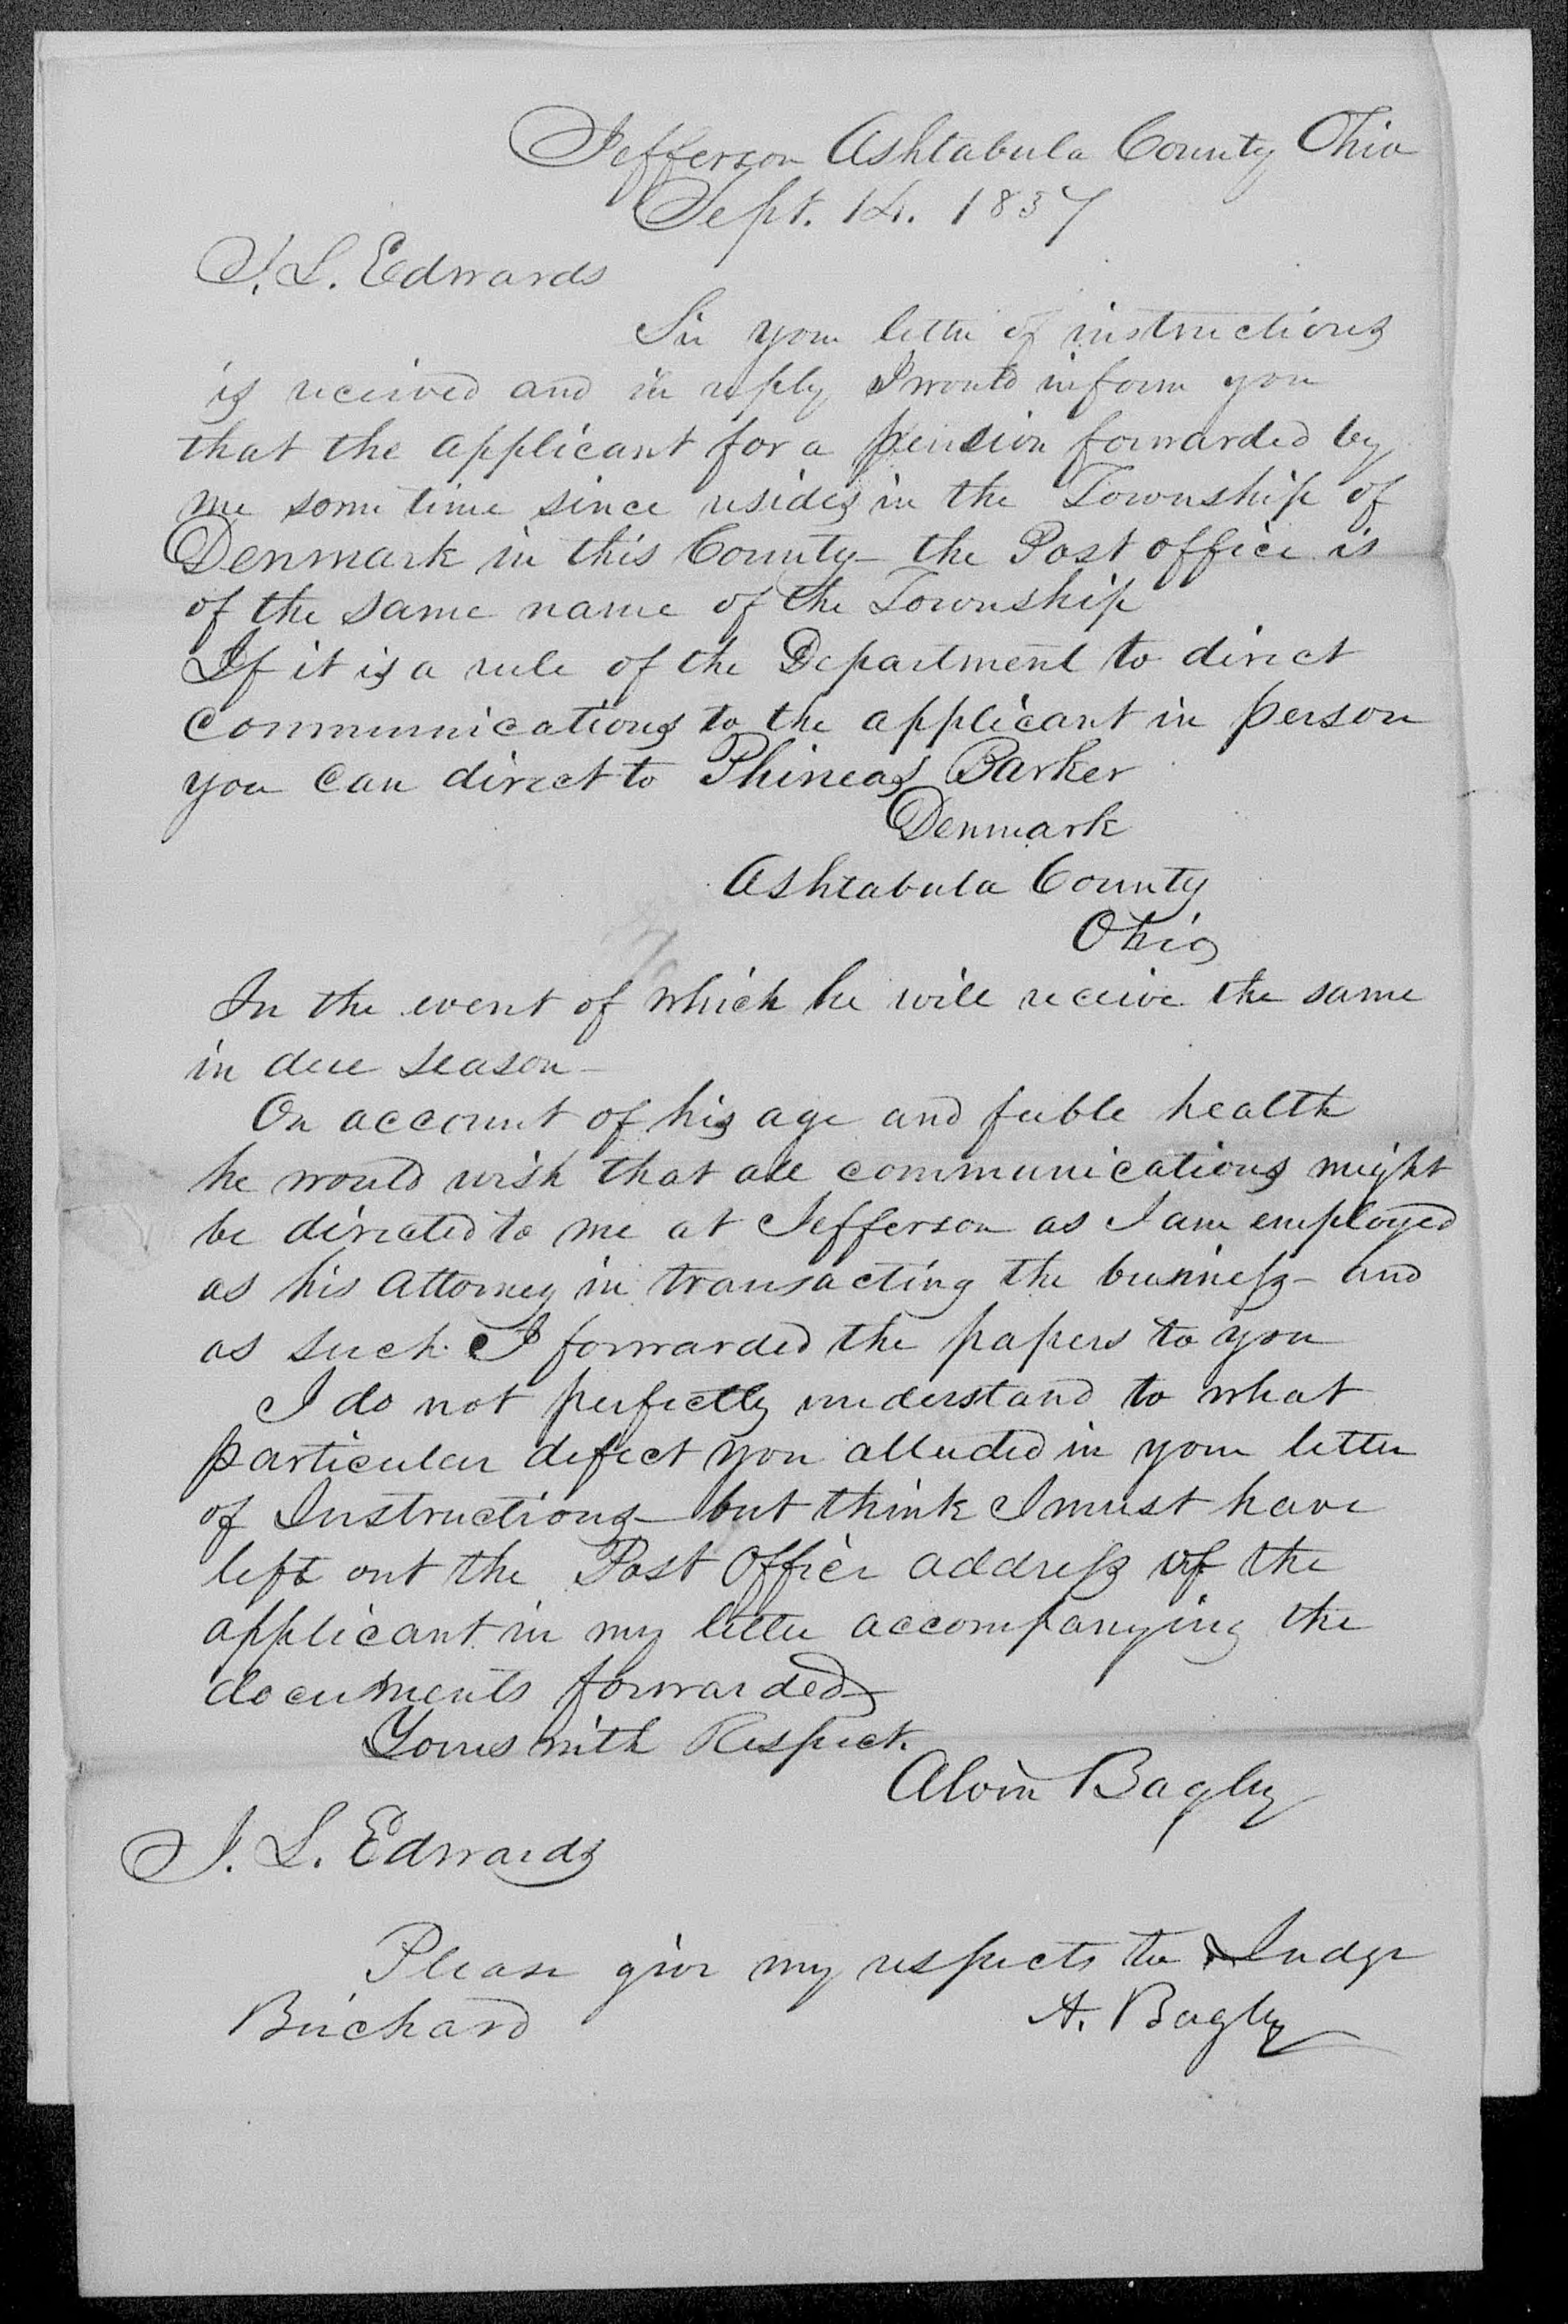Jefferson Ashtabula County Ohio 
Sept. 14. 1837 
J.L. Edwards 
Sir your letter of instructions is received and in reply I would inform you that the applicant for a pension forwarded by me some time since resides in the Township of Denmark in this County - the Post office of the same name of the Township.   
If it is a rule of the Department to direct communications to the applicant in person you can direct to Phineas Barker 
Denmark Ashtabula County 
Ohio
In the event of which he will receive the same in due season.   
On account of his age and feeble health he would wish that all communications might be directed to me at Jefferson as I am employed as his attorney in transacting the business and as such I forwarded the papers to you. 
I do not perfectly understand to what particular defect you alluded in your letter of Instructions, but think must have left out the Post Office address of the applicant in my letter accompanying the documents forwarded.   
Yours with Respect 
Alvin Bagley
J.L. Edwards  
Please give my respects to Judge Buchard 
A. Bagley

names: A Bagley, J L Edwards, Phineas Barker, Alvin Bagley, J L Edwards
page: 22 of 35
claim: rejected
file: R. 501, Phineas Barker, Conn. Privateer